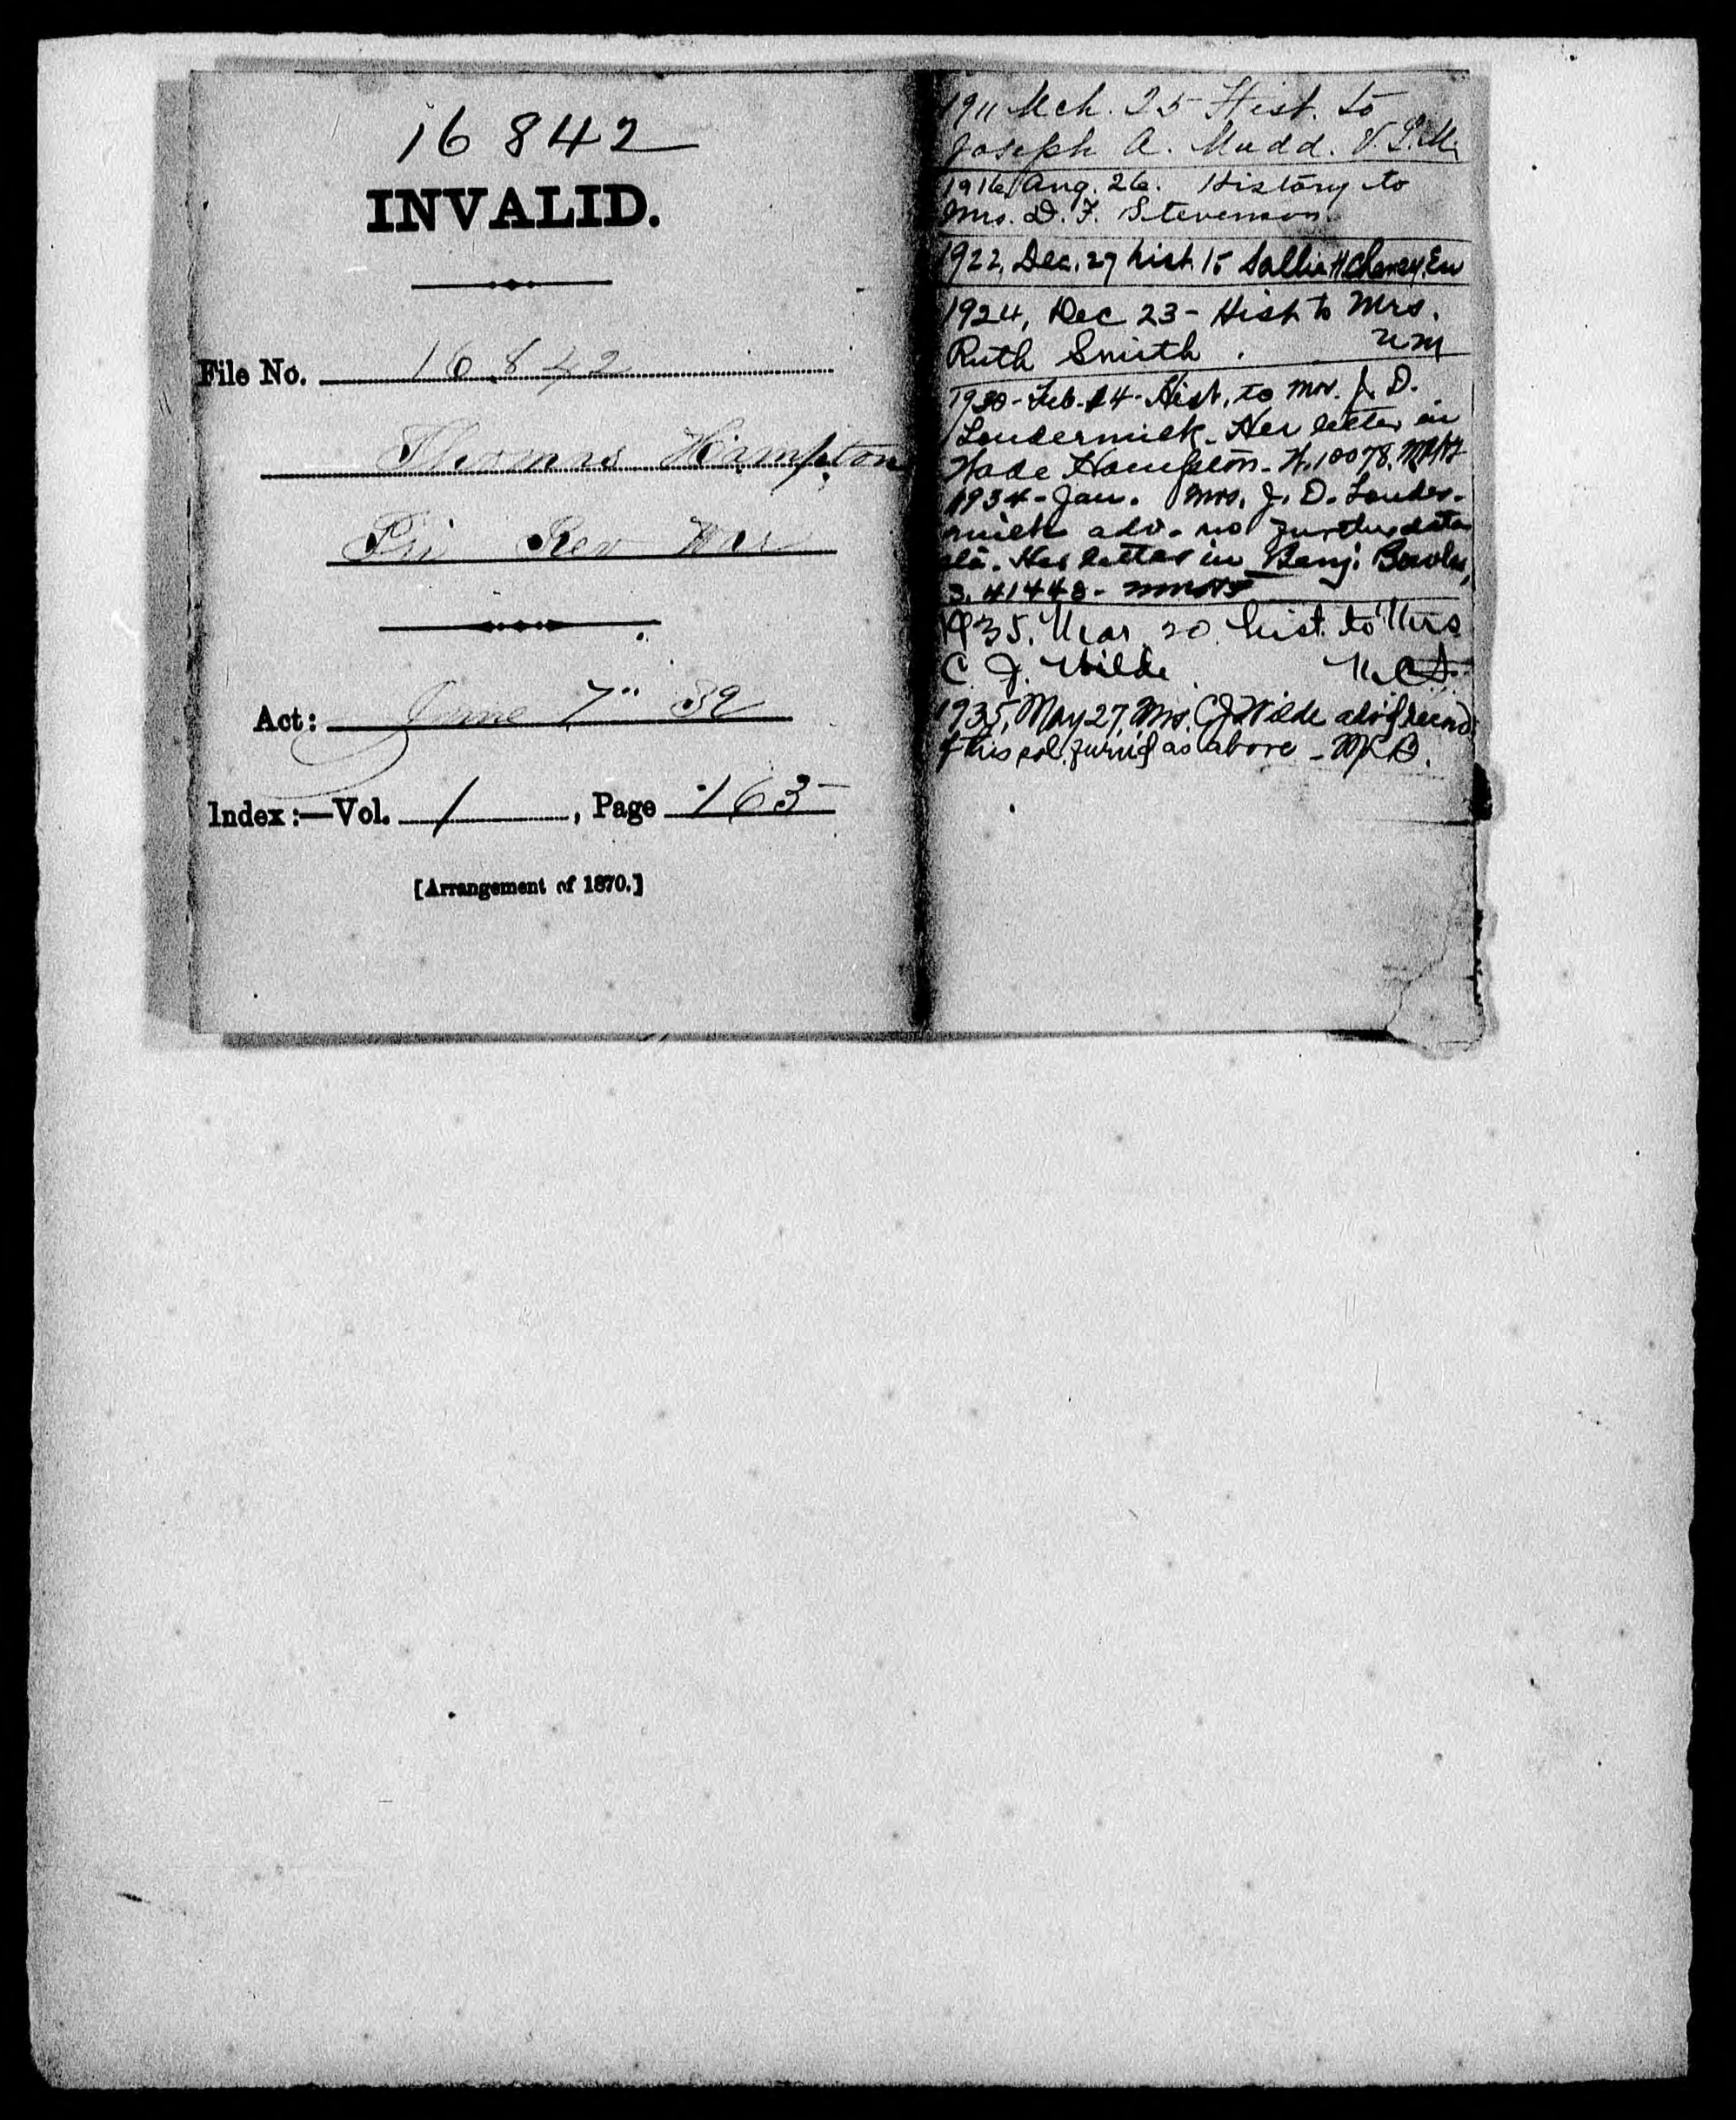16842
INVALID.
File No. 16,842
Thomas Hampton
Pri Rev War
Act: June 7" 32
Index:-Vol. 1, Page 165
Arrangement of 1870.

1911 Mch. 25 Hist. to Joseph A. Mudd. V.L.M.
1916 Aug 26. History to Mrs. D. F. Stevenson
1922, Dec. 27 hist to Sallie H Cheney. EW
1924, Dec 23 - Hist to Mrs. Ruth Smith. NM
1930 - Feb. 14 - Hist. to Mrs. A D. Loudermilk - Her letter in Wade Hampton - W. 10078. MMHF
1934 - Jan. Mrs. J. D. Loudermilk adv. no further data etc. Her letter in Benj. Bowles, S. 41448 - MMHF
1935, Mar 20. hist. to Mrs. C. J. Wilde. M.C.S.
1935, May 27, Mrs. C J Wild adv'd record of this sol. furn'd as above - MLB.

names: Sallie Cheney, C J Wilde, Wade Hampton, J D Loudermilk, C J Wilde, D F Stevenson, Benj Bowles, Thomas Hampton, Joseph A Mudd, Ruth Smith, J D Loudermilk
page: 15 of 26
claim: survivor's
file: S. 16842, Thomas Hampton, Va.